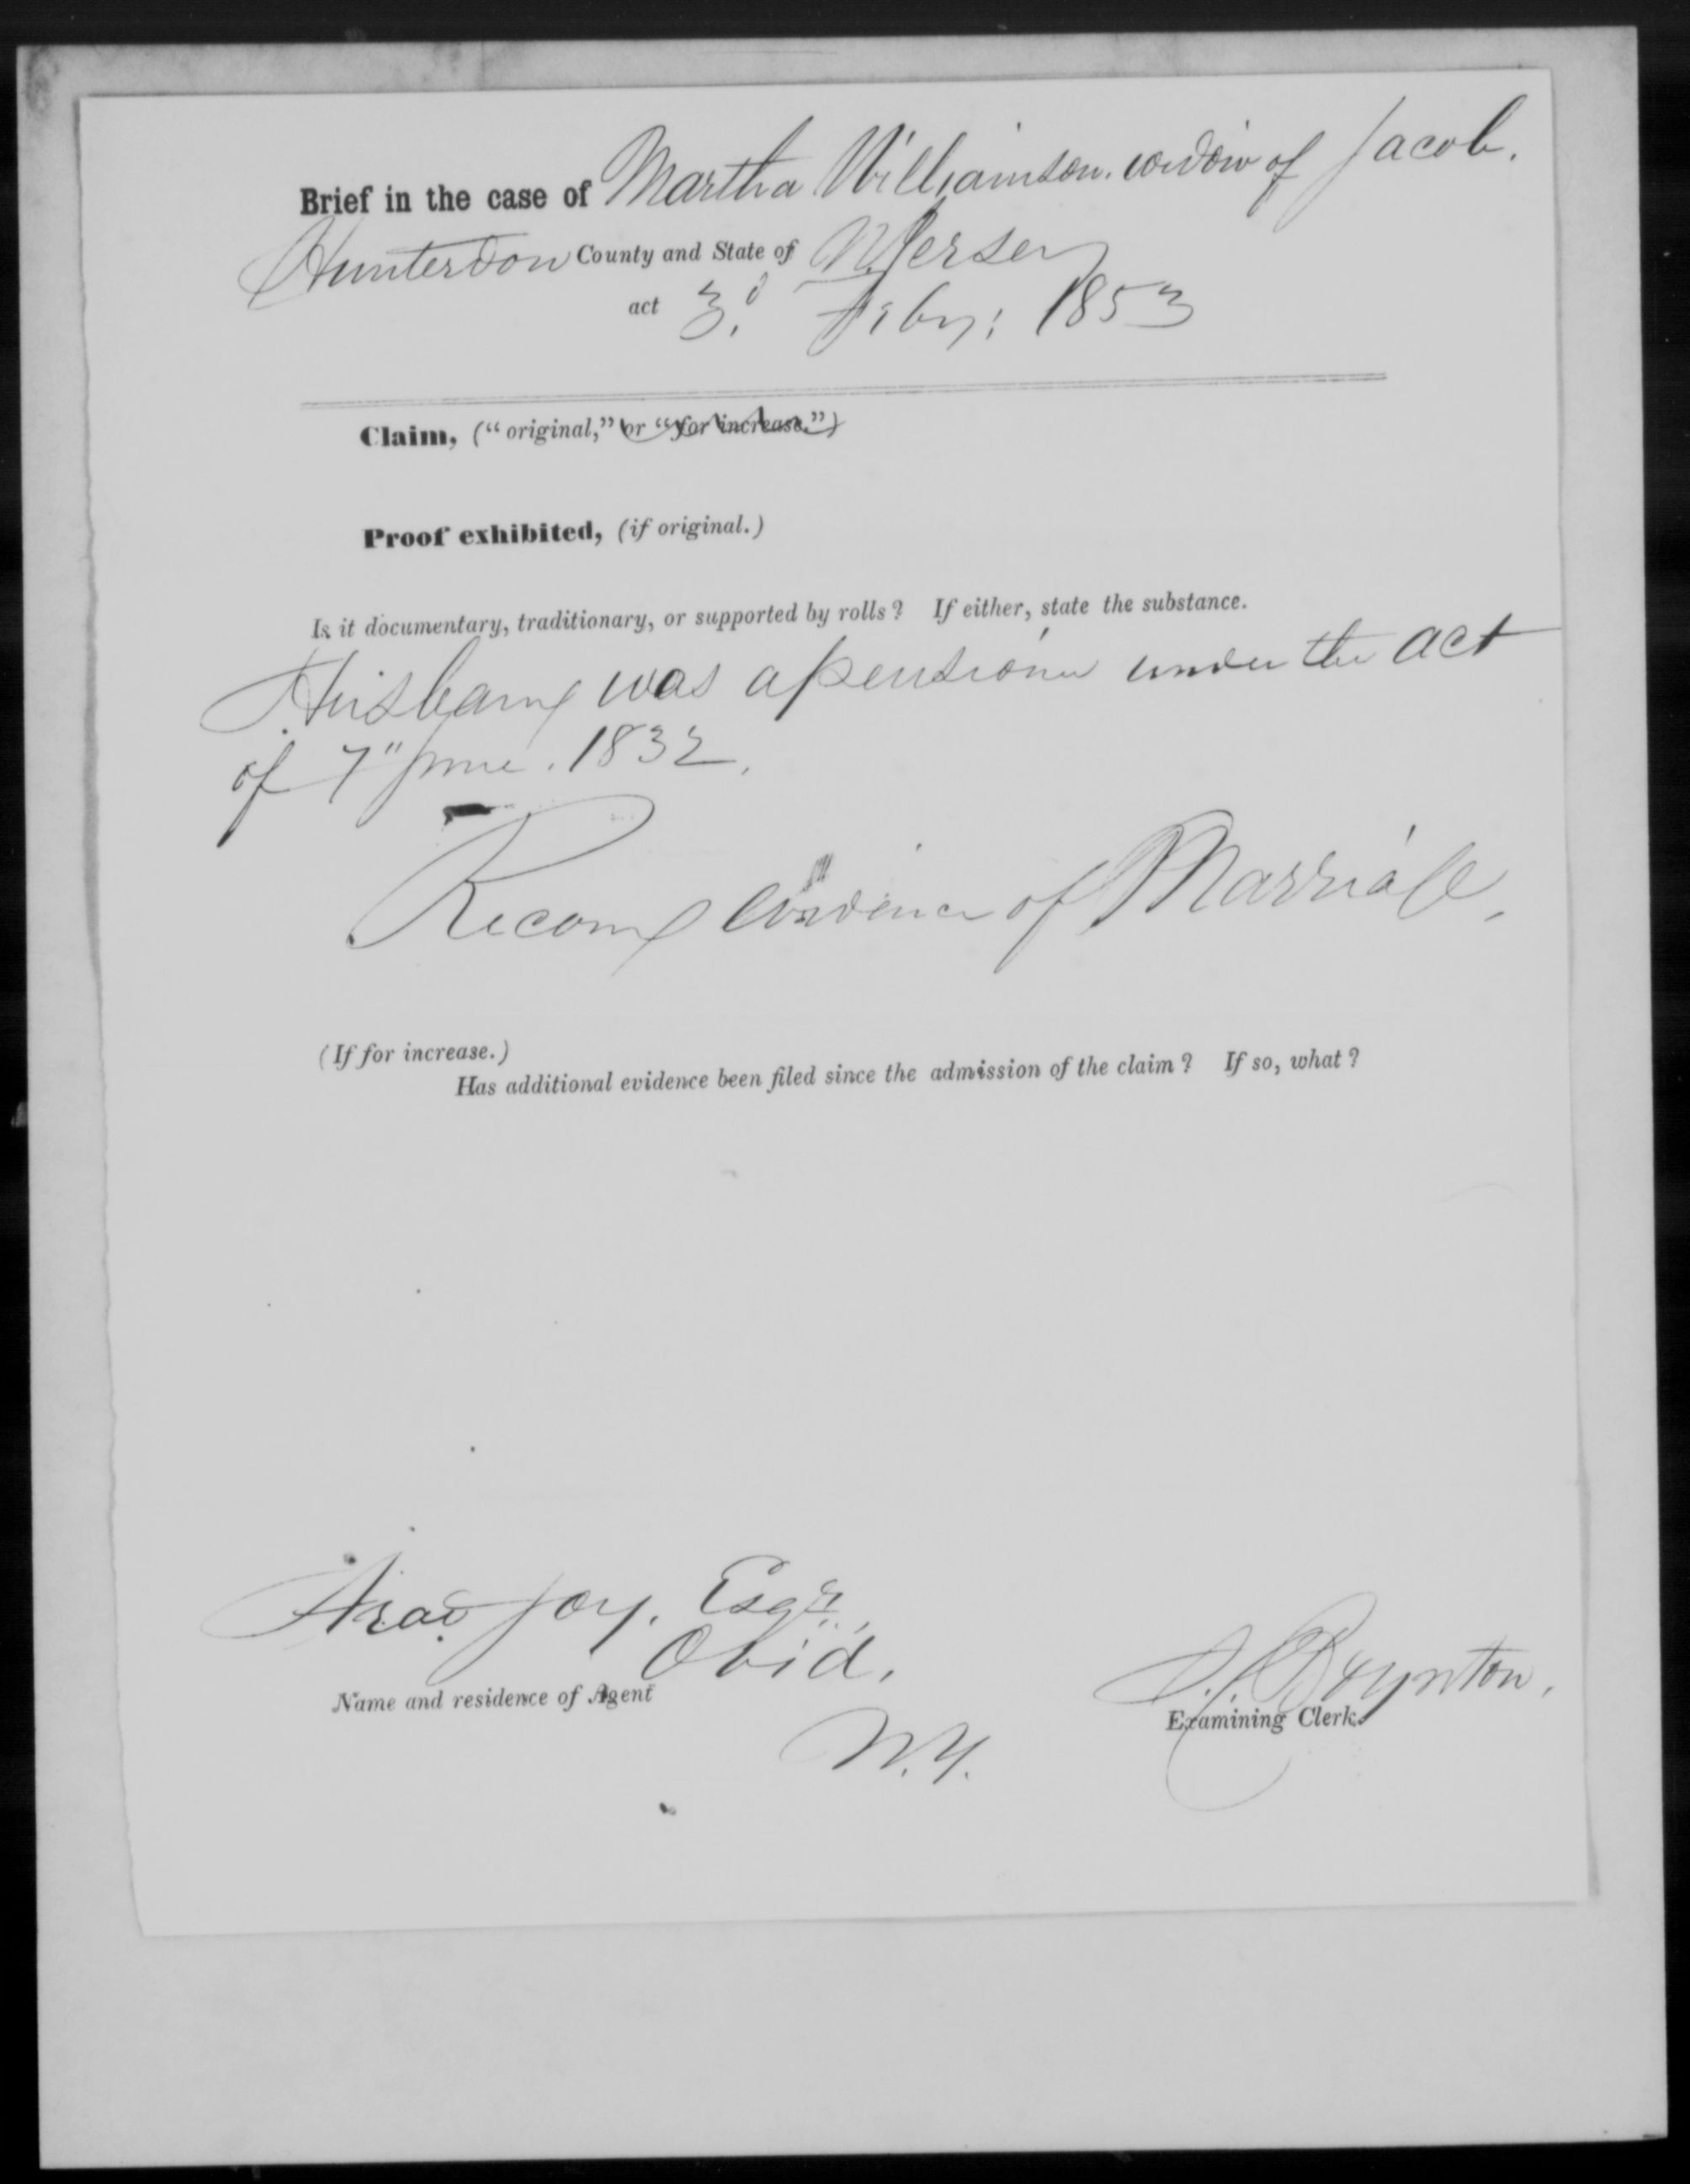Brief in the case of Martha Williamson, widow of Jacob Williamson, Hunterdon County and State of N. Jersey.
Act February 3, 1853.

Claim, ("original" [crossed out: or "for increase"])
Proof exhibited, (if original.)
Is it documentary, traditionary, or supported by rolls? If either, state the substance.
Husband was a pensioner under Act of June 7, 1832.
Record evidence of marriage.

(If for increase.) Has additional evidence been filed since the admission of the claim? If so, what? (blank)
s/ J. Boynton, Examining Clerk

Name and residence of Agent,
Arad Joy, Esq., Ovid, N.Y.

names: Arad Joy, Martha Williamson, Jacob Williamson, O Boynton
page: 41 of 67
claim: widow's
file: W. 2393, Jacob Williamson, New Jersey